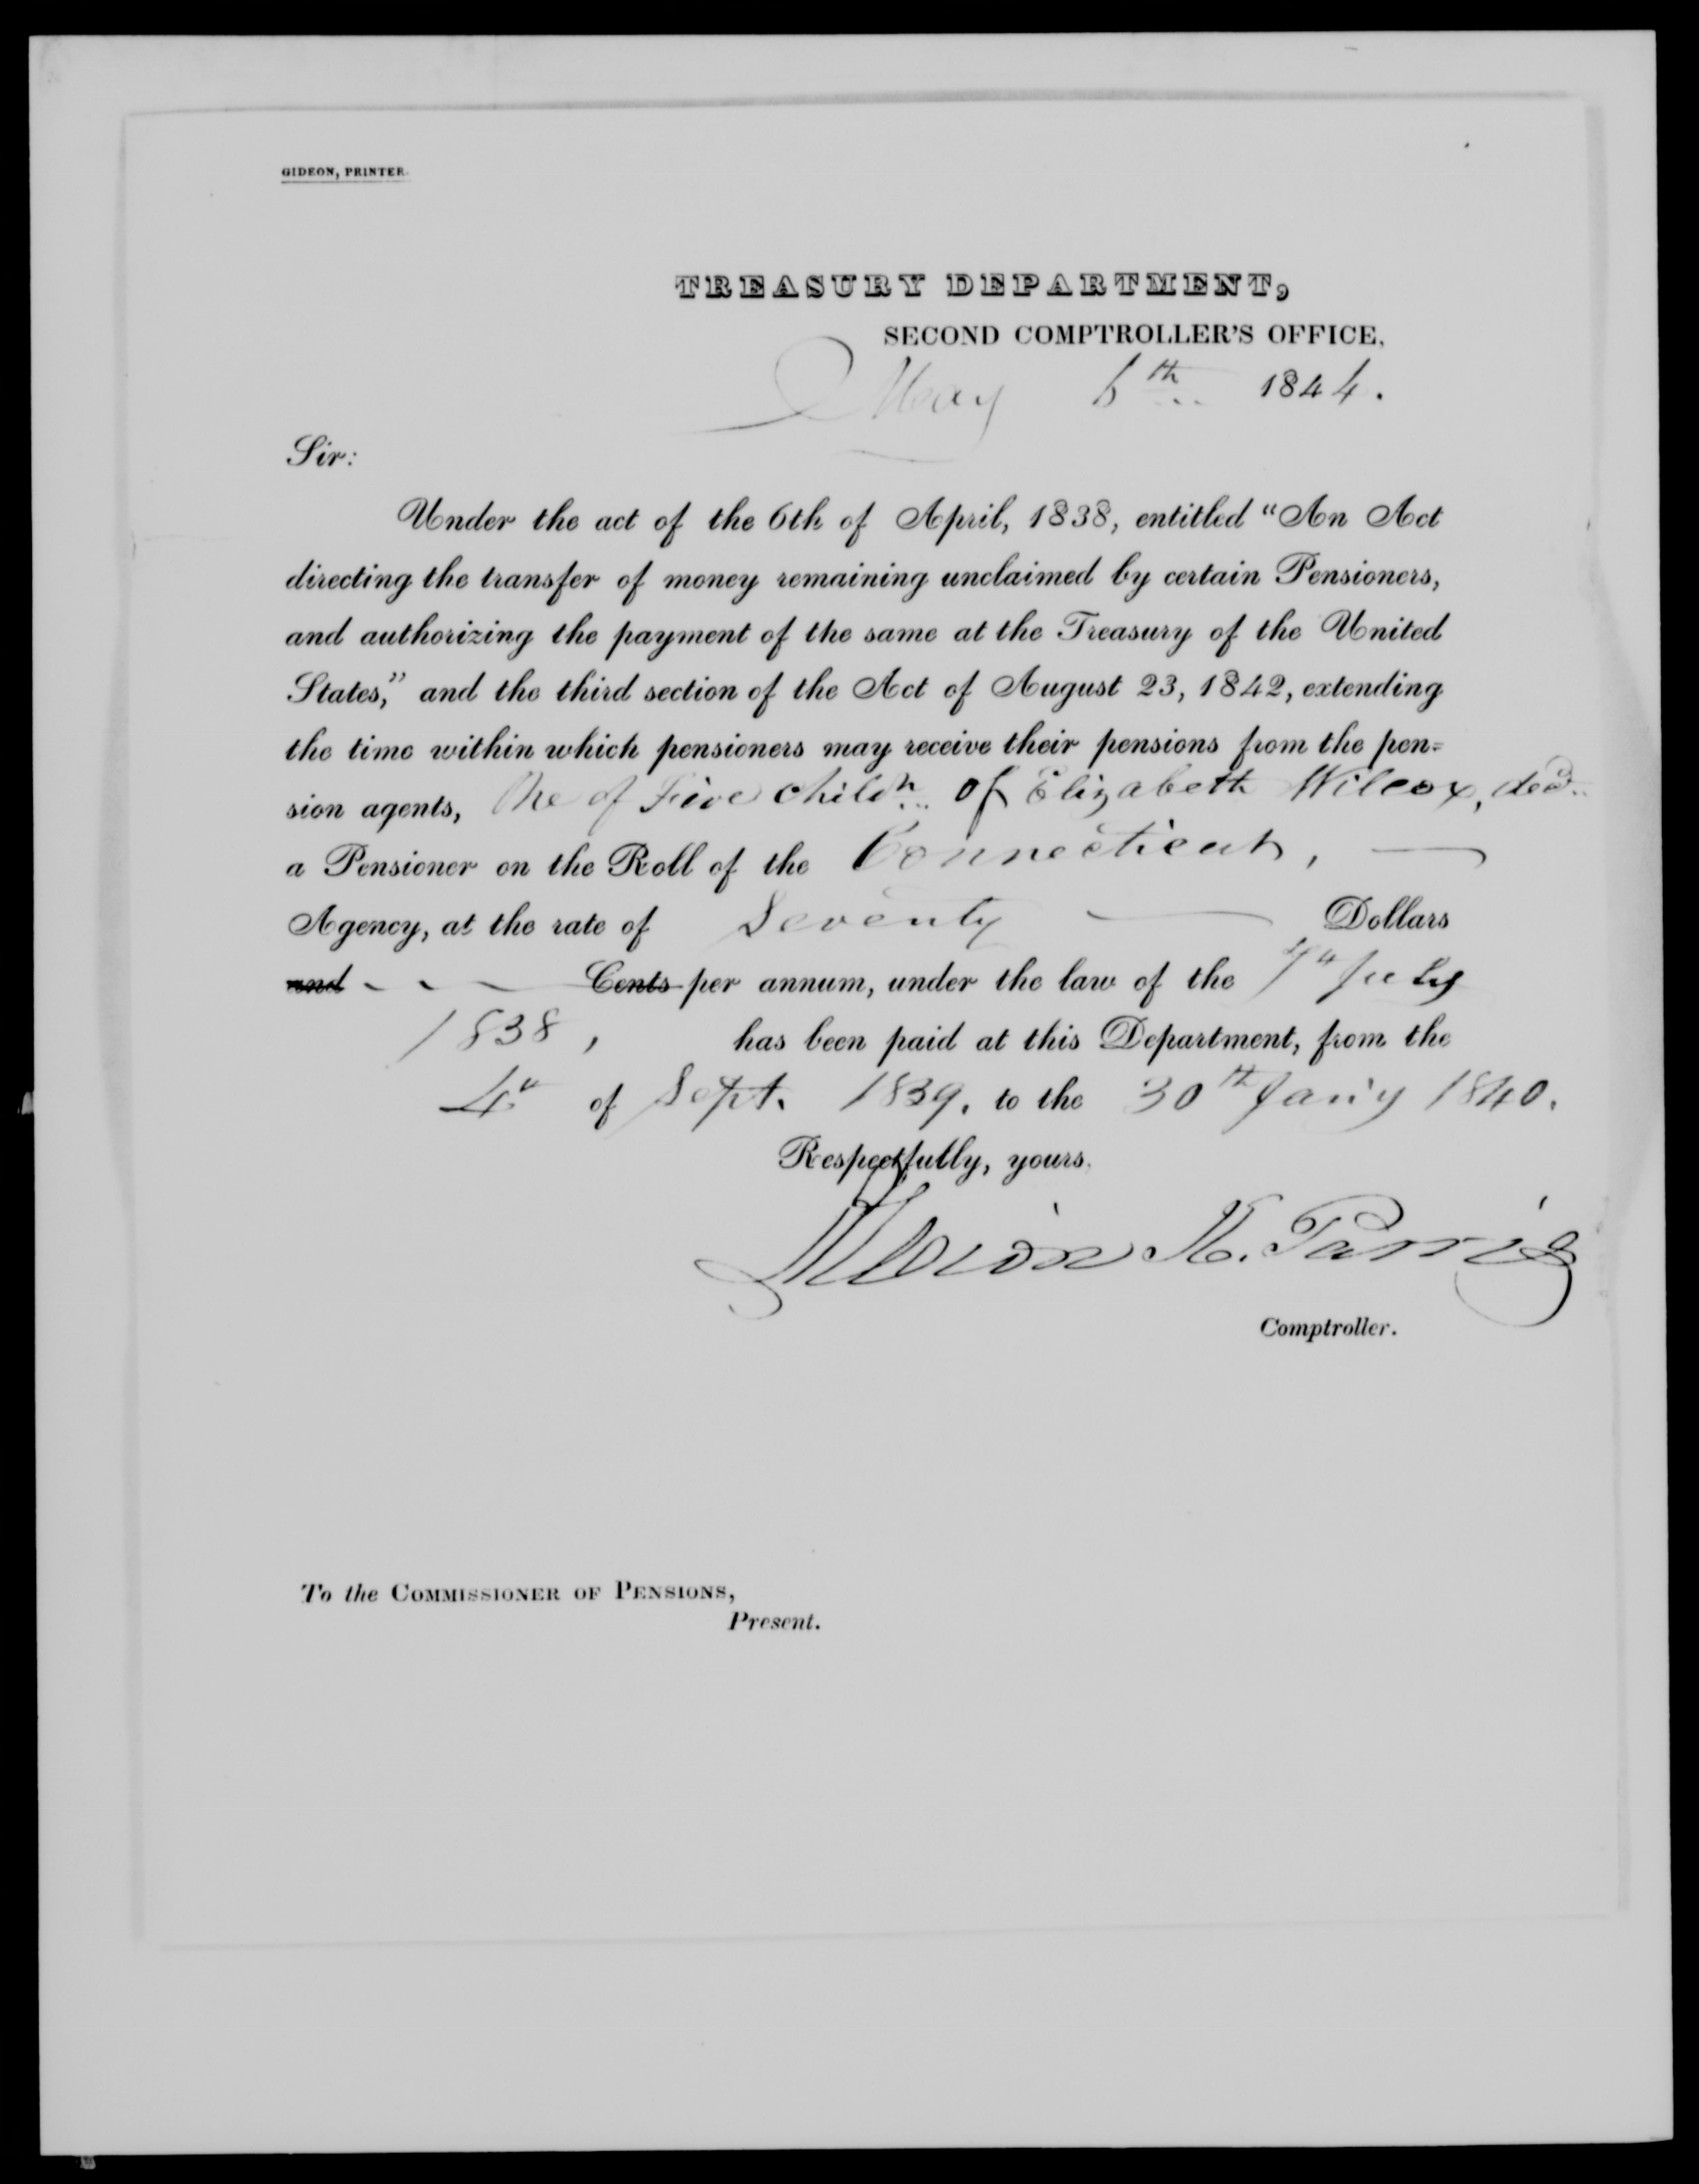GIDEON, PRINTER.
--------------------

TREASURY DEPARTMENT ,
SECOND COMPTROLLER'S OFFICE
MAY 6th  1844.

Sir"

Under the act of the 6th of April, 1838, entitled "An Act directing the transfer of money remaining unclaimed by certain Pensioners, and authorizing the payment of the same at the Treasury of the United States,"  and the third section of the Act of August 23, 1842, extending the time within which pensioners may receive their pensions from the pension agents, One of Five children of Elizabeth  Wilcox,  decd, a Pensioner on the Roll of the Connecticut, Agency, at the rate of Seventy Dollars per annum, under the law of the 7th July 1838, has been paid at this Department, from the 4th of Sept. 1839 to the 30th Jany 1840.

Respectfully, yours
Albion K. Parris
Comptroller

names: Albion K Parris, Elizabeth Wilcox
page: 35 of 46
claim: widow's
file: W. 18,417, James Willcox, Conn.